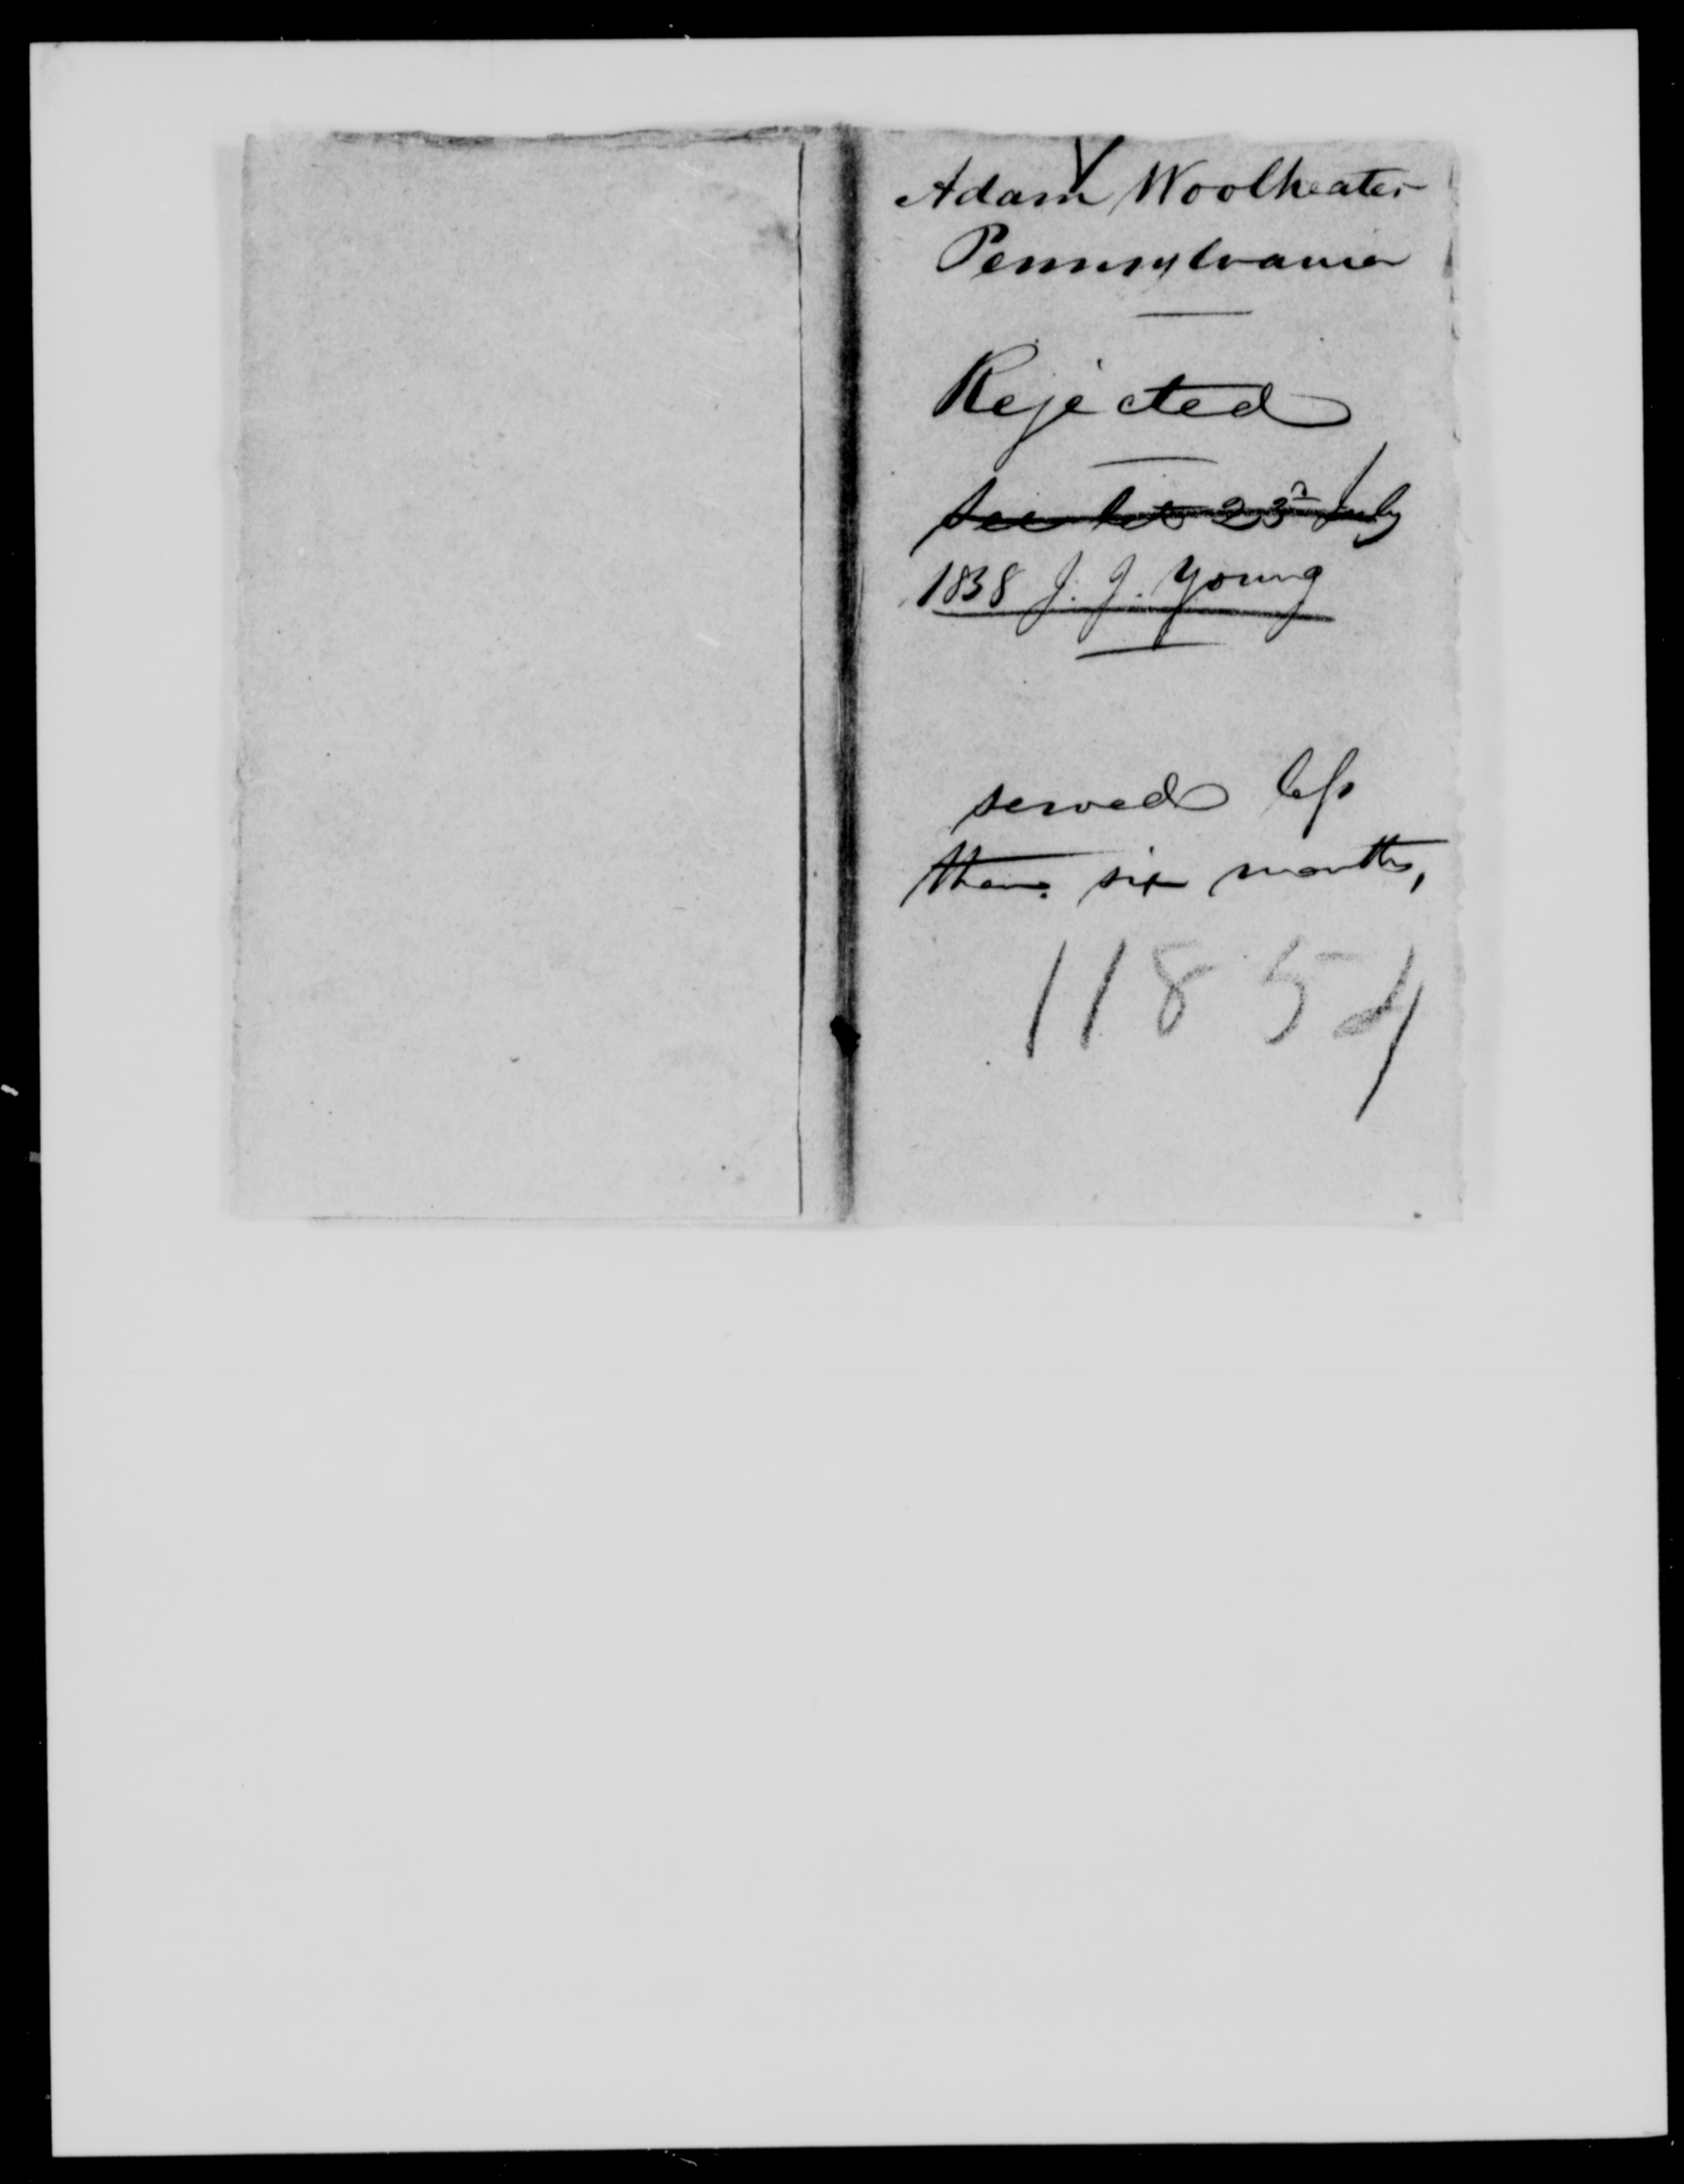Adam Woolheater
Pennsylvania

Rejected
See let 23rd July
1838 J.J.Young

served less
than six months

11854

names: J J Young, Adam Woolheater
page: 13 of 18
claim: rejected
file: R. 11854, Adam Woolheater, Md.